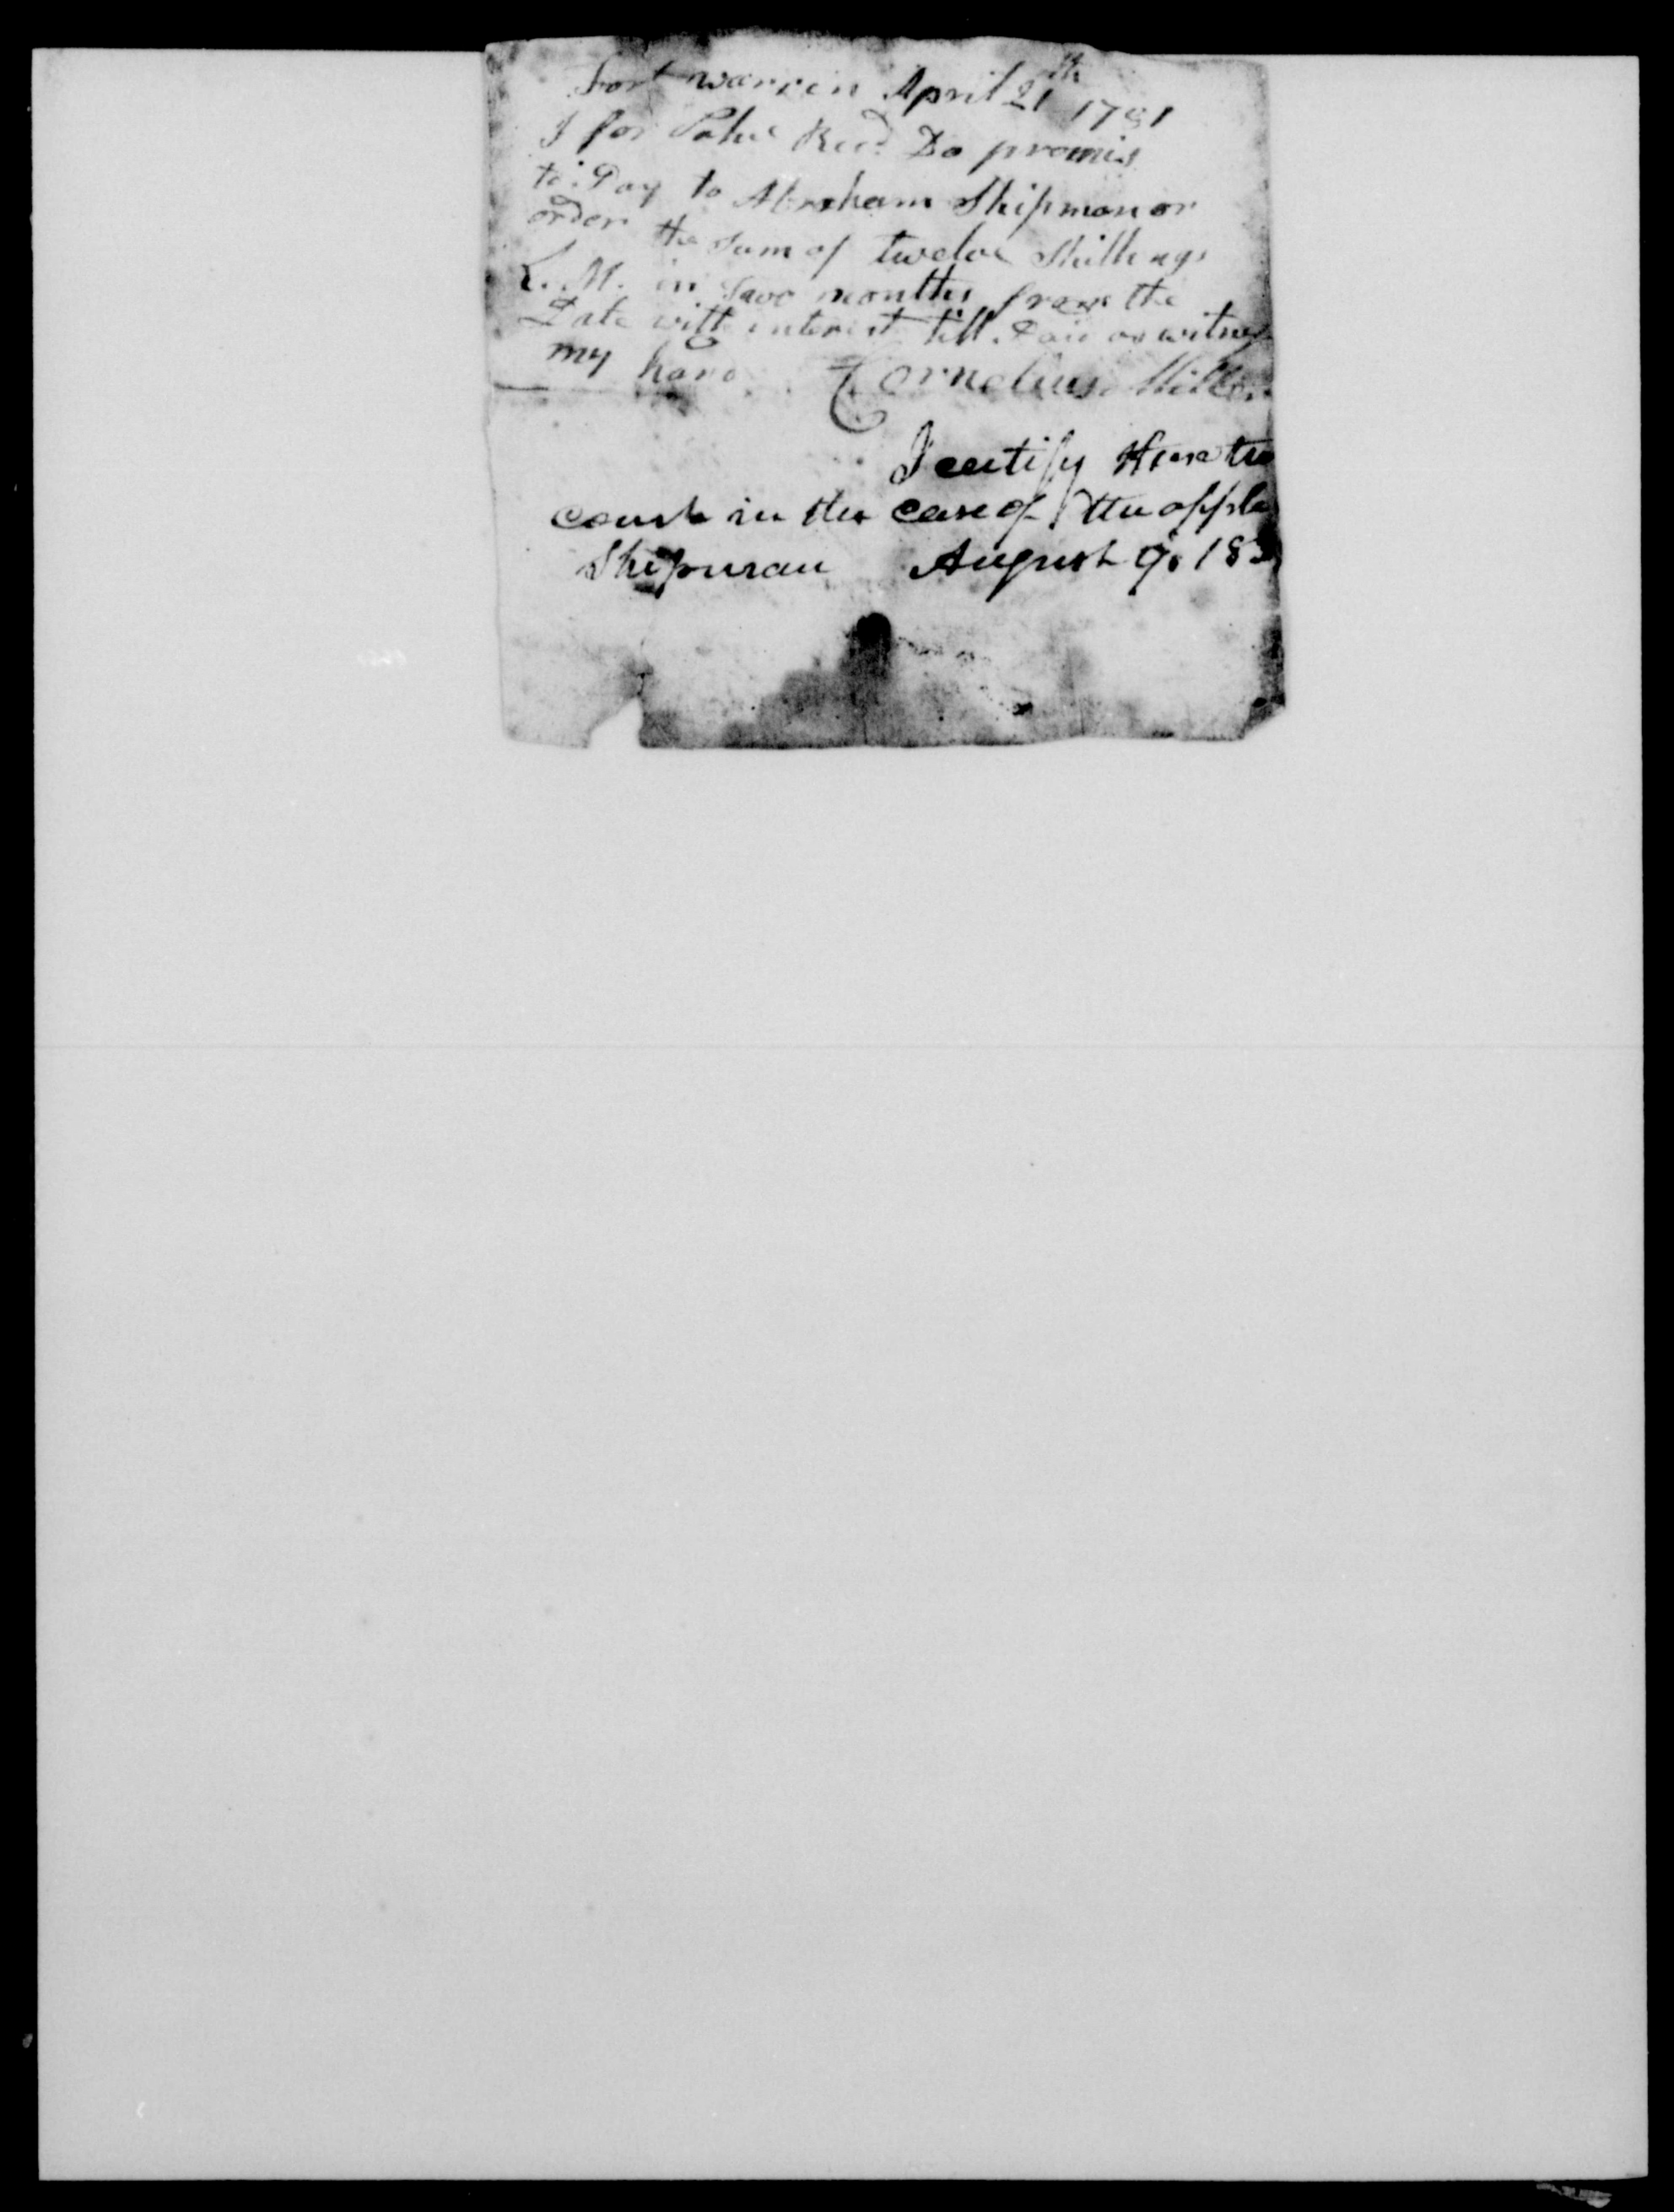Fort Warren.   April 21th 1781 

I for John Reed Do promis to pay to Abraham Shipman on order the sum of twelve shillings {illegible} in two months from the date with interest till paid as witness MY here 
Cornelius Miller 
I certify hereto court in the case of {illegible} Shipman August 9, 183_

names: Abraham Shipman; Cornelius Miller; [BLANK] Shipman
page: 13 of 13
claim: survivor's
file: S. 15977, for Abraham Shipman, Vermont